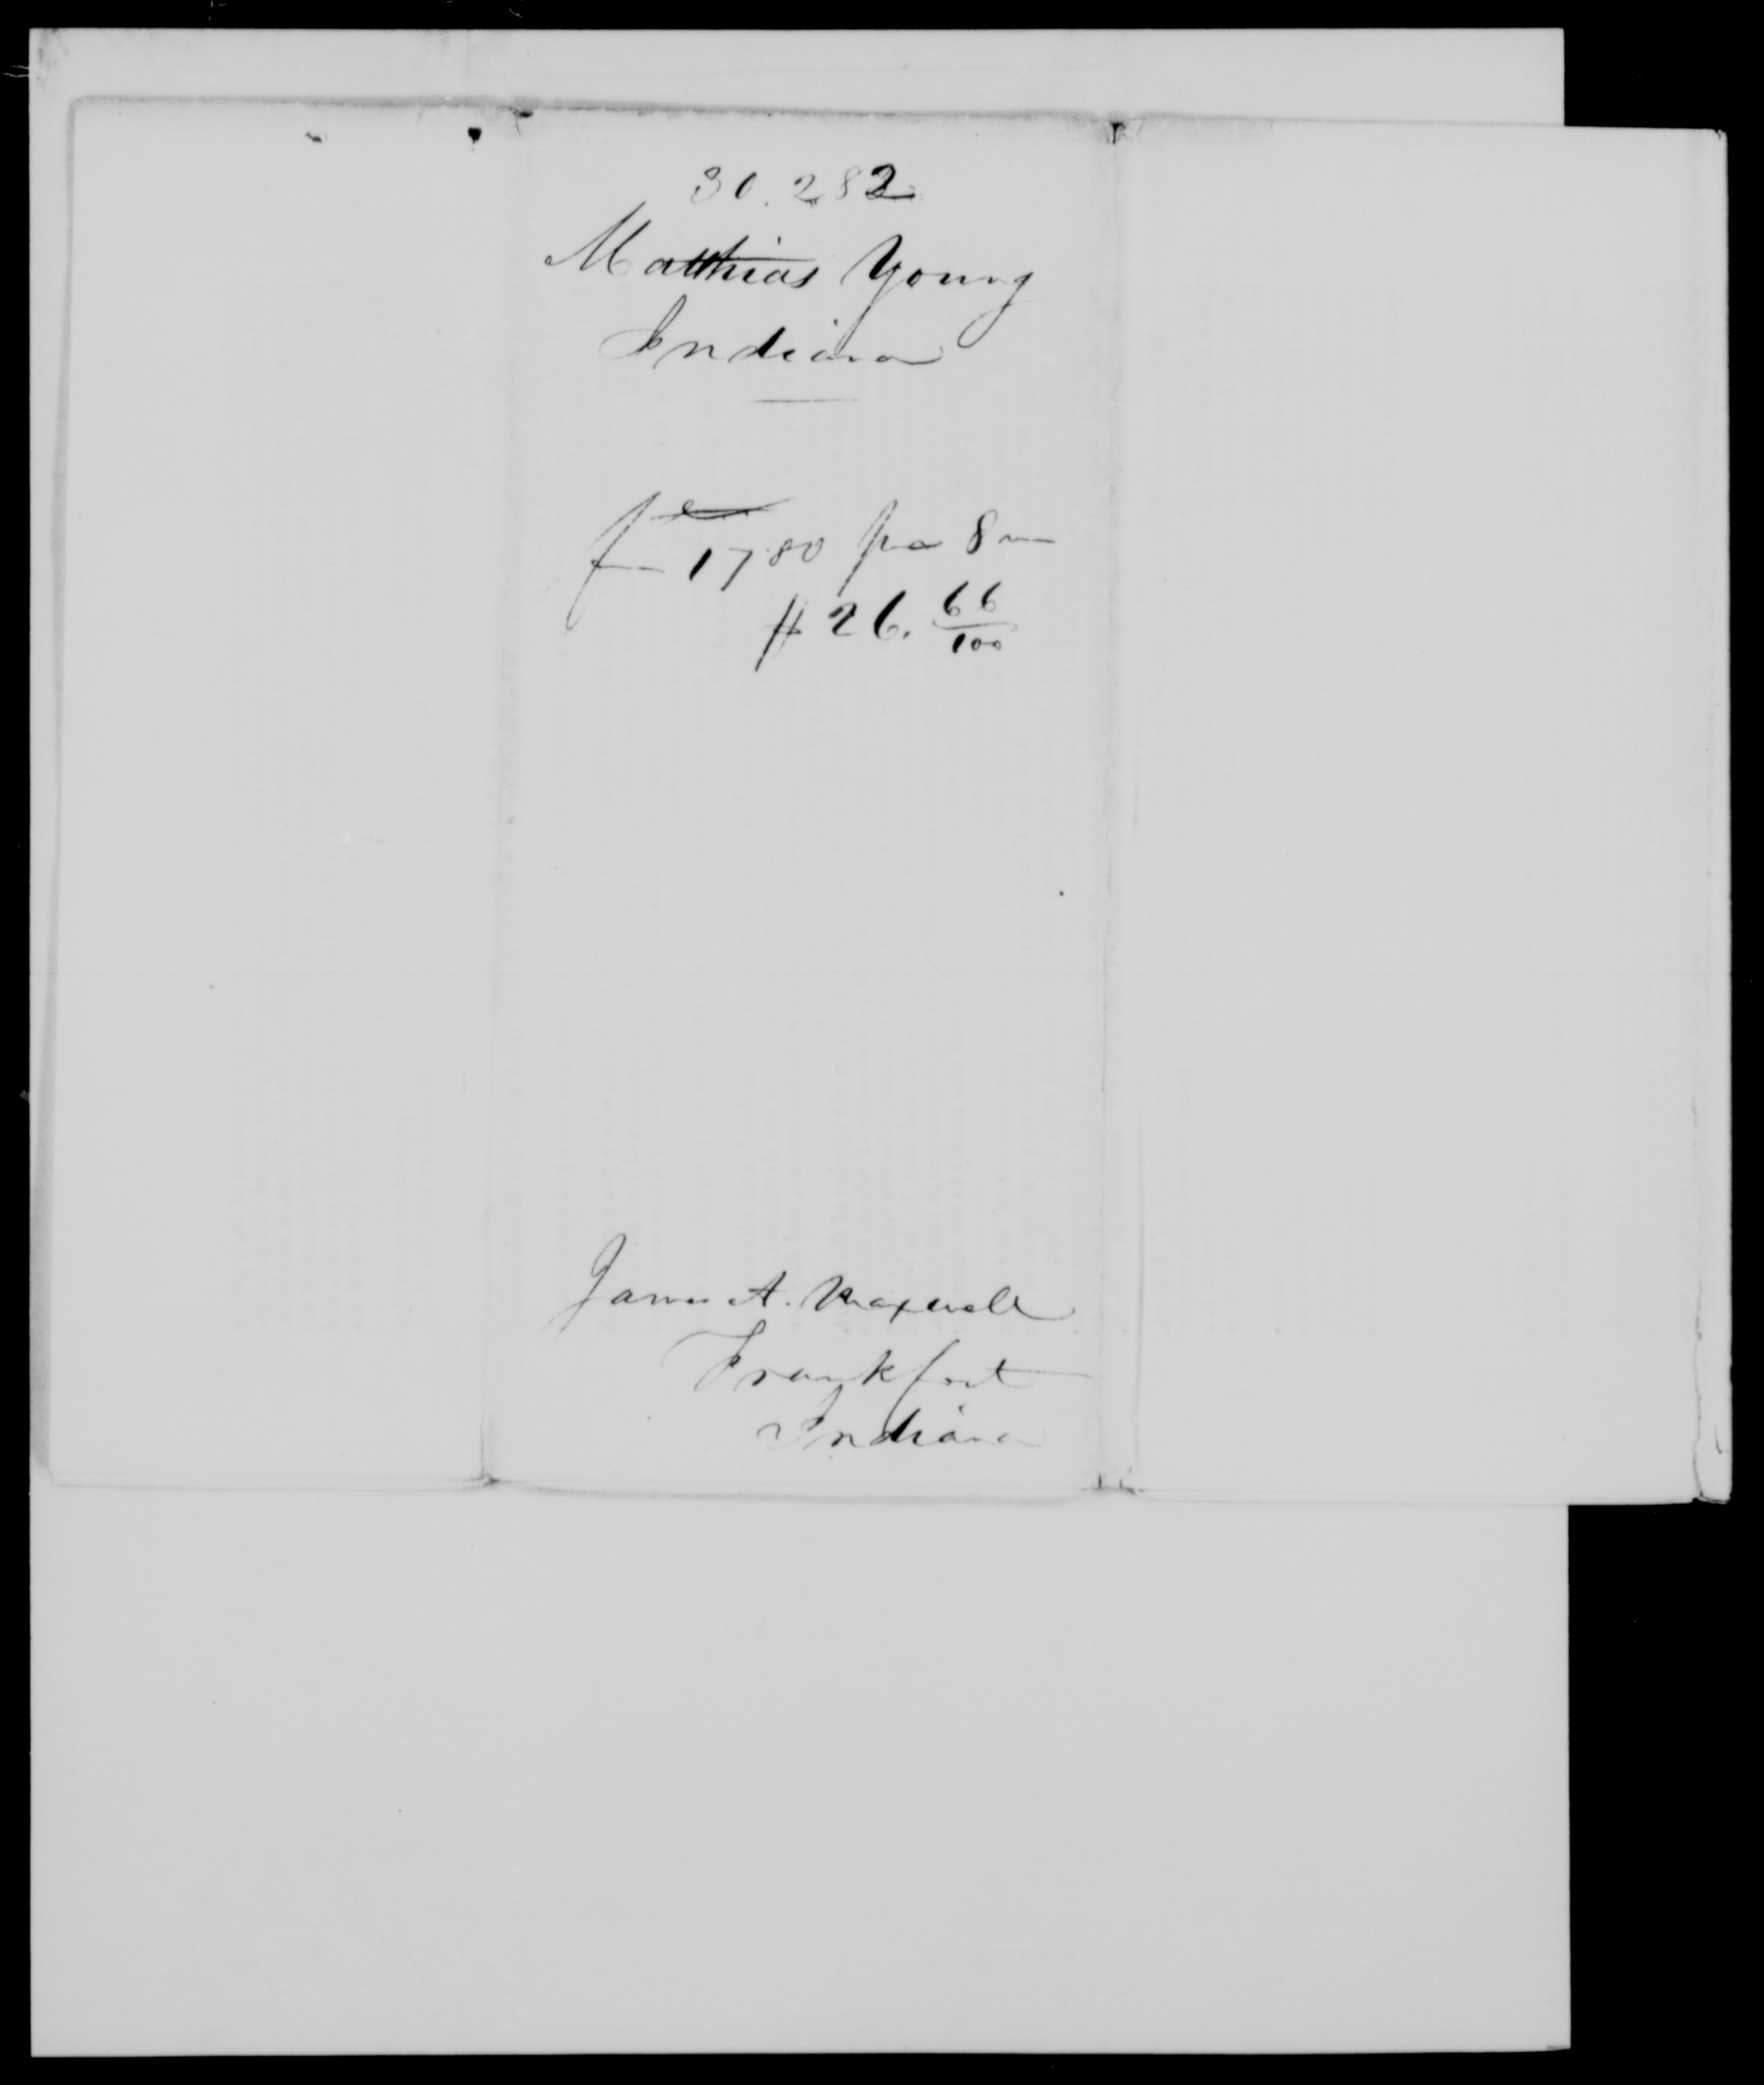30.282
Mathias Young
Indiana
from  1780 pri 8 mos.
$26 66/100

James A. Maxwell
Frankfort
Indiana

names: James A Maxwell, Matthias Young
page: 16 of 123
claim: rejected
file: R. 11,949, Matthias Young, Md.